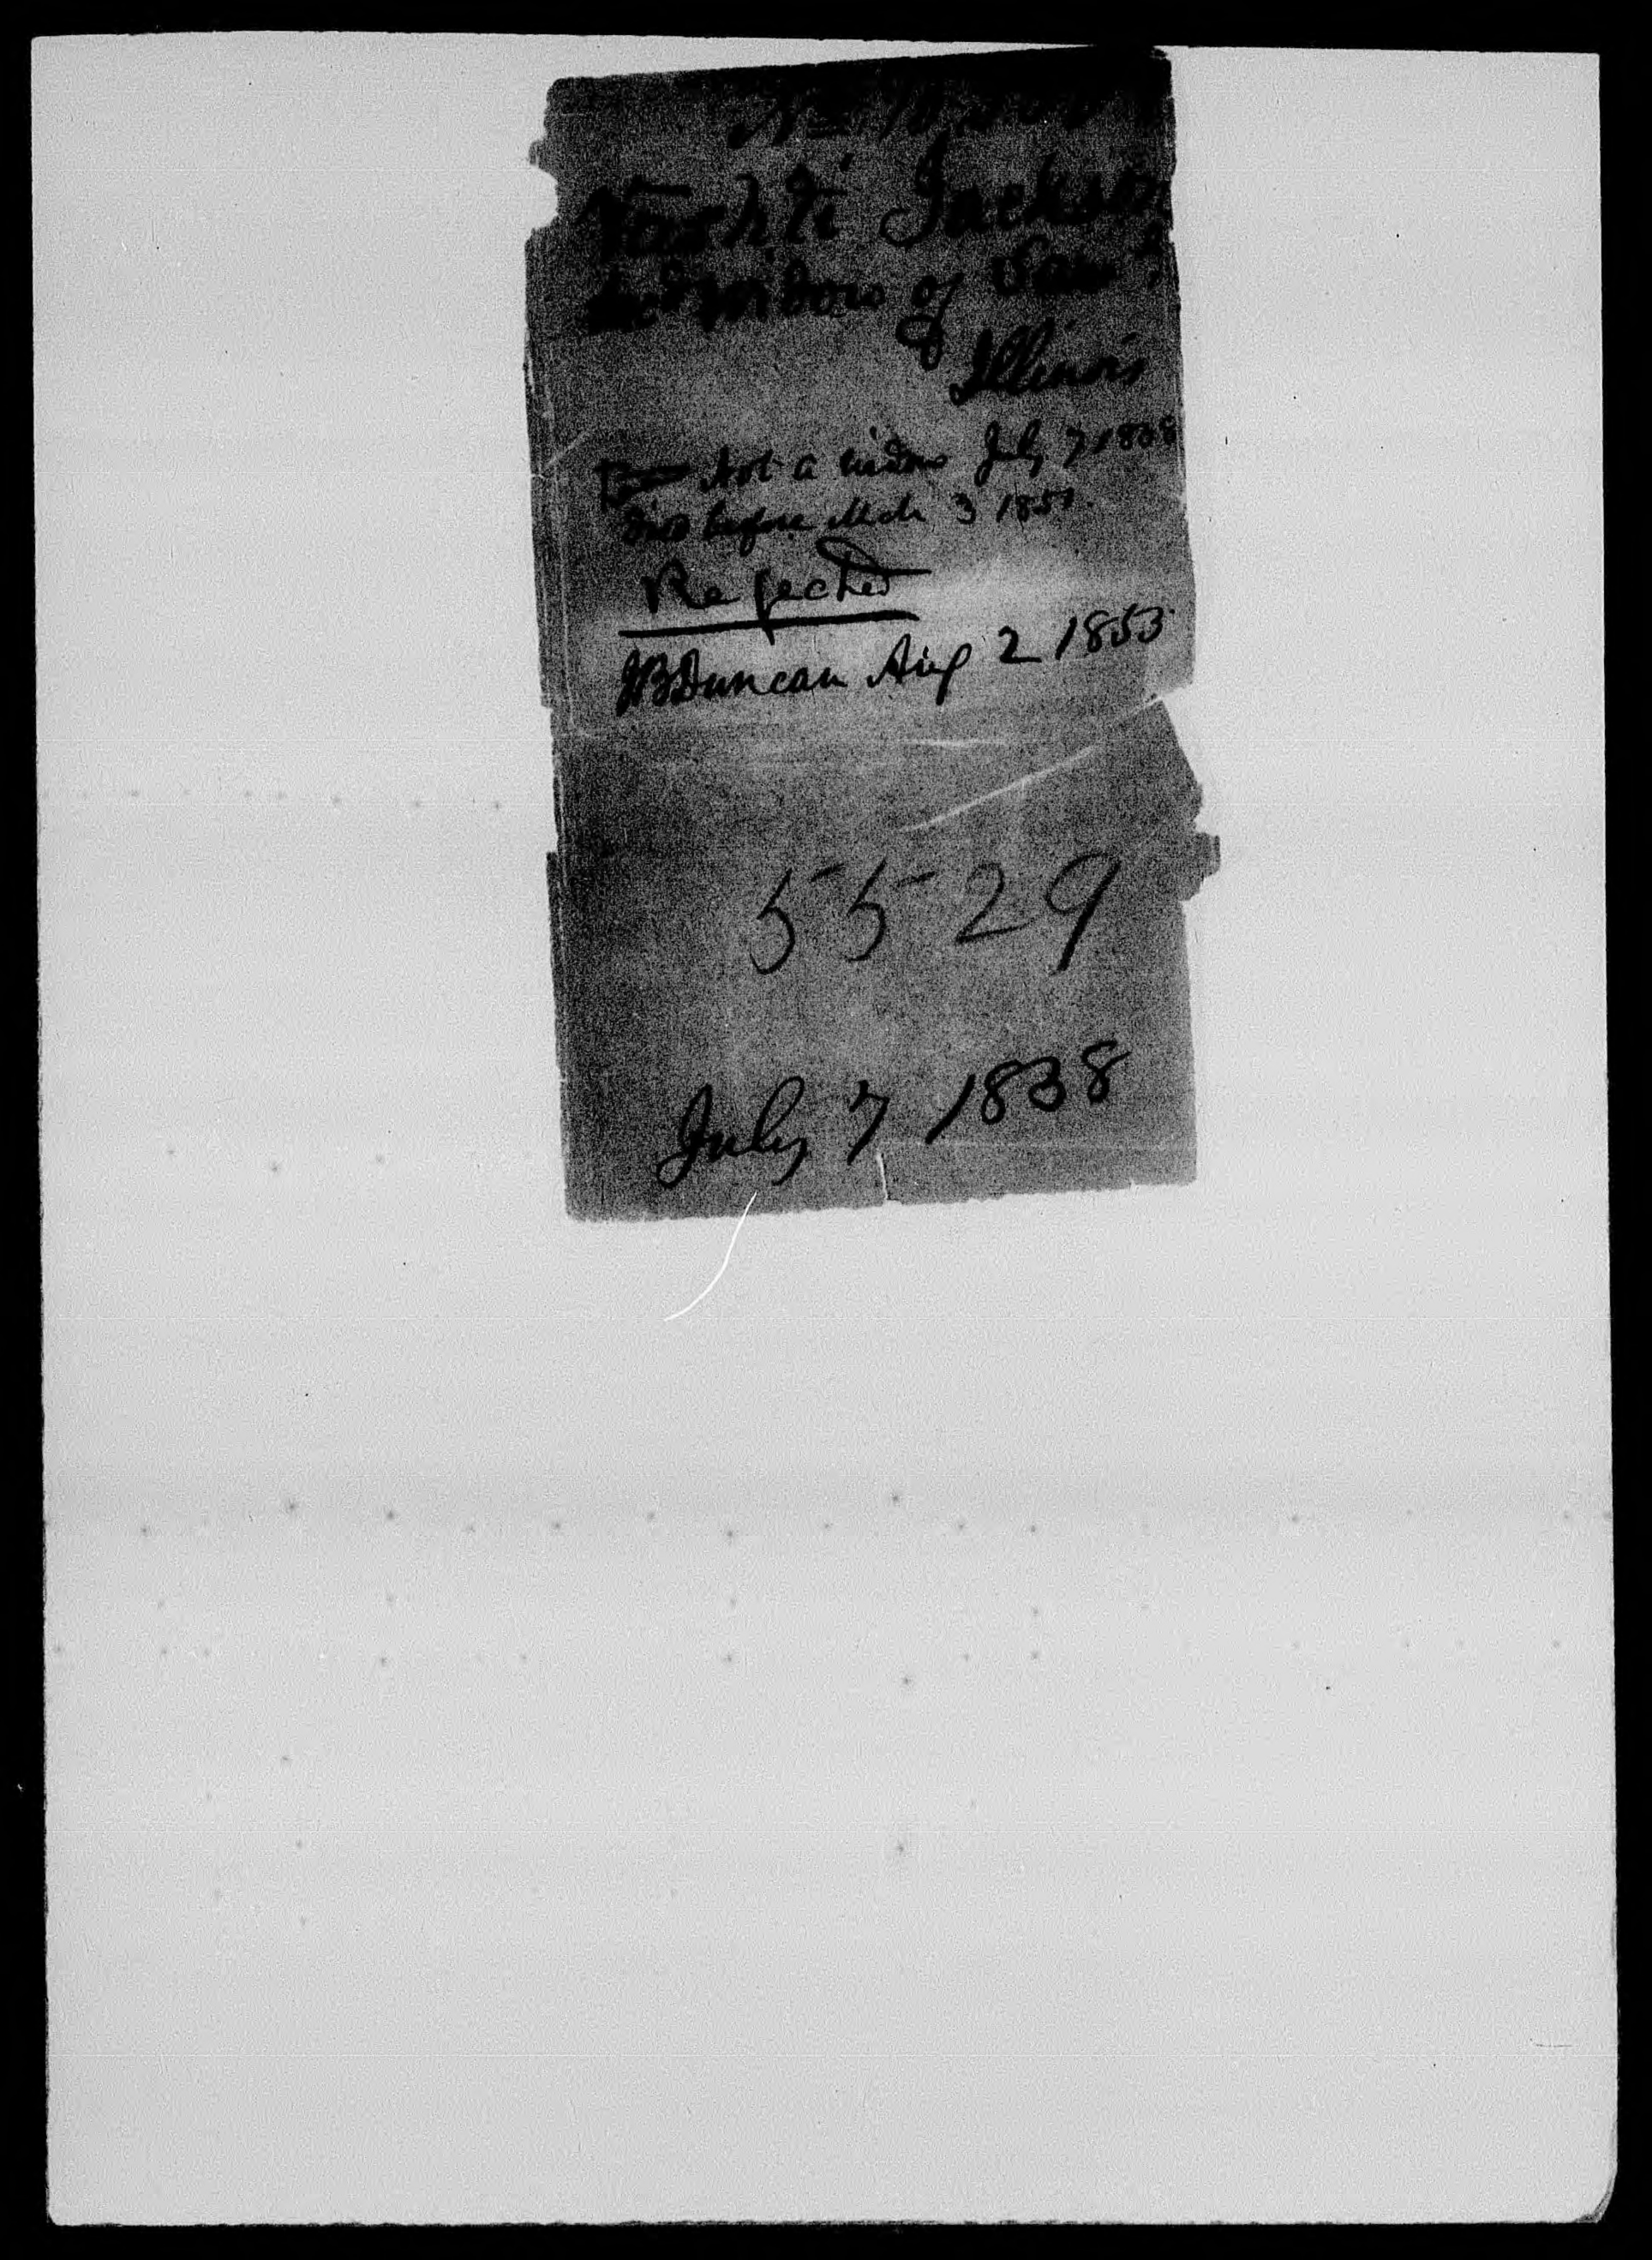No [illegible]
Vashti Jackson
Decd widow of Saml 
of Illinois

Not a widow July 7 1838
Died before March 3, 1851
Rejected
JB Duncan Aug 2 1853

5529

July 7 1838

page: 20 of 56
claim: rejected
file: R 5529, for Samuel Jackson, Virginia